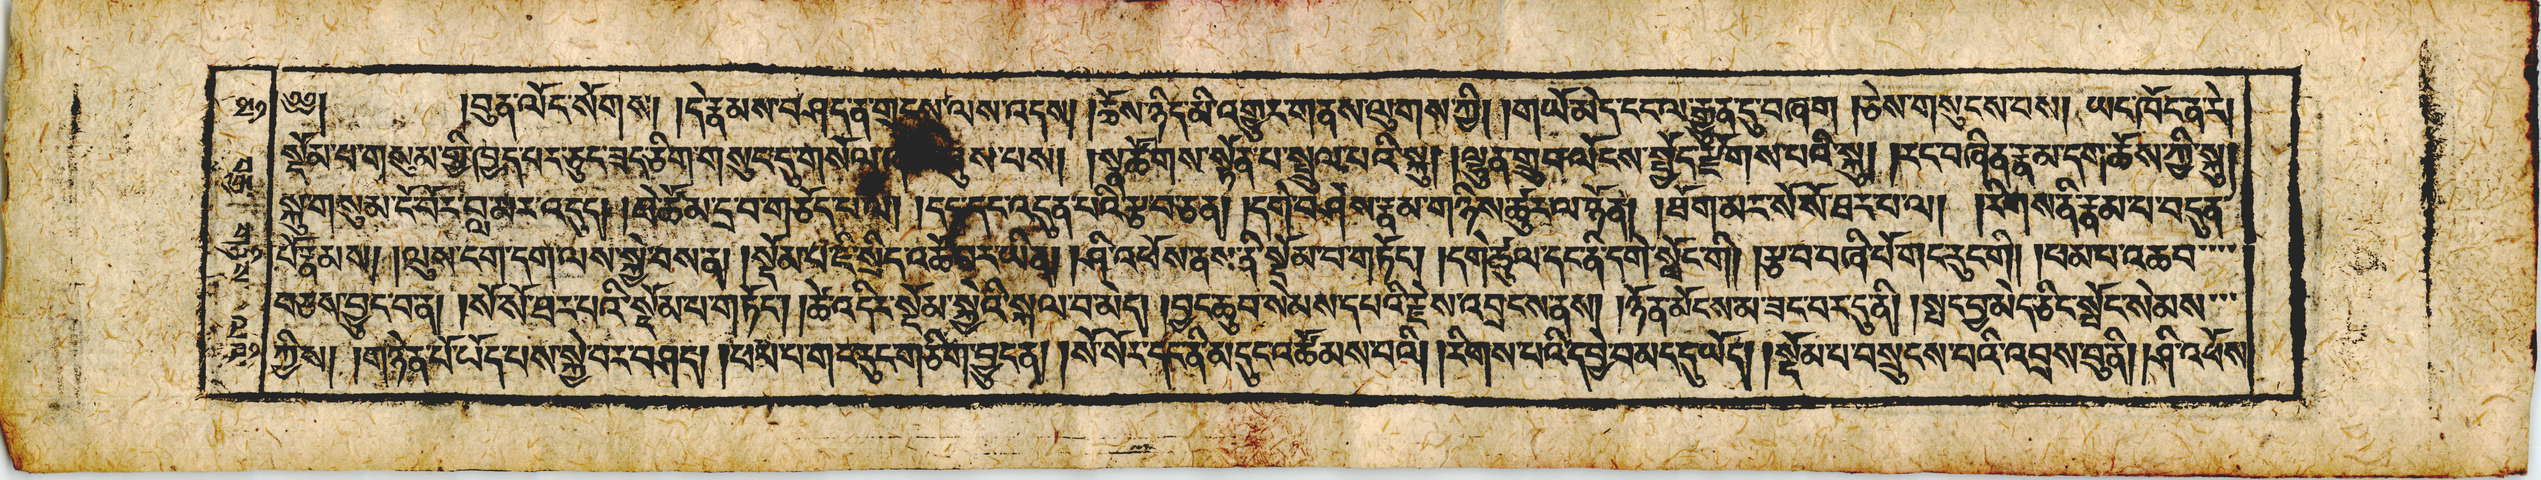བུན་ལོང་སོགས། །དེ་རྣམས་བཤད་ན་གྲངས་ལས་འདས། །ཆོས་ཉིད་མི་འགྱུར་གནས་ལུགས་ཀྱི། །གཡོ་མེད་ངང་ལ་རྒྱུན་དུ་བཞག །ཅེས་གསུངས་པས། ཡང་ཁོང་ན་རེ། །
སྡོམ་པ་གསུམ་གྱི་ཁྱད་པར་ཅུང་ཟད་ཅིག་གསུང་དུ་གསོལ་ཞུས་པས། །སྣཚོགས་སྟོན་པ་སྤྲུལ་པའི་སྐུ། །ལྷུན་གྲུབ་ལོངས་སྤྱོད་རྫོགས་པའི་སྐུ། །རང་བཞིན་རྣམ་དག་ཆོས་ཀྱི་སྐུ། །
སྐུ་གསུམ་ངོ་བོར་བླ་མར་འདུད། །ཐེ་ཚོམ་དྲྭ་བ་གཅོད་པ་ལ། །དད་དང་འདུན་པའི་རྩ་བ་ཅན། །དགེ་བཤེས་རྣམ་གཉིས་ཚུར་ལ་ཉོན། །ཐོག་མར་སོ་སོ་ཐར་པ་ལ། །རིགས་ནི་རྣམ་པ་བདུན་
པ་རྣམས། །ལུས་ངག་དག་ལས་སྐྱེ་བས་ན། །སྡོམ་པ་ཇི་སྲིད་འཚོ་བར་ཡིན། ། ཤི་འཕོས་ནས་ནི་སྡོམ་པ་གཏོང་། །དགེ་ཚུལ་དང་ནི་དགེ་སློང་གི། །རྩ་བ་བཞི་པོ་གང་རུང་གི། །ཕམ་པ་འཆབ་
བཅས་བྱུང་བ་ན། །སོ་སོ་ཐར་པའི་སྡོམ་པ་གཏོང་། །ཚེ་འདིར་སྡོམ་སྐྱེའི་སྐལ་བ་མེད། །བྱང་ཆུབ་སེམས་དཔའི་རྗེས་འབྲངས་ནས། །ཉོན་མོངས་མ་ཟད་བར་དུ་ནི། །སྤང་བྱ་མེད་ཅིང་སྤོང་སེམས་
ཀྱིས། །གཉེན་པོ་ཡོད་པས་སྐྱེ་བར་བཤད། །ཕལ་པ་གང་རུང་གཅིག་བྱུང་ན། །སོ་སོར་དང་ནི་མདུང་འཚོམས་པའི། །རིགས་པའི་དབྱེ་བ་མང་དུ་ཡོད། །སྡོམ་པ་བསྲུངས་པའི་འབྲས་བུ་ནི། །ཤི་འཕོས་